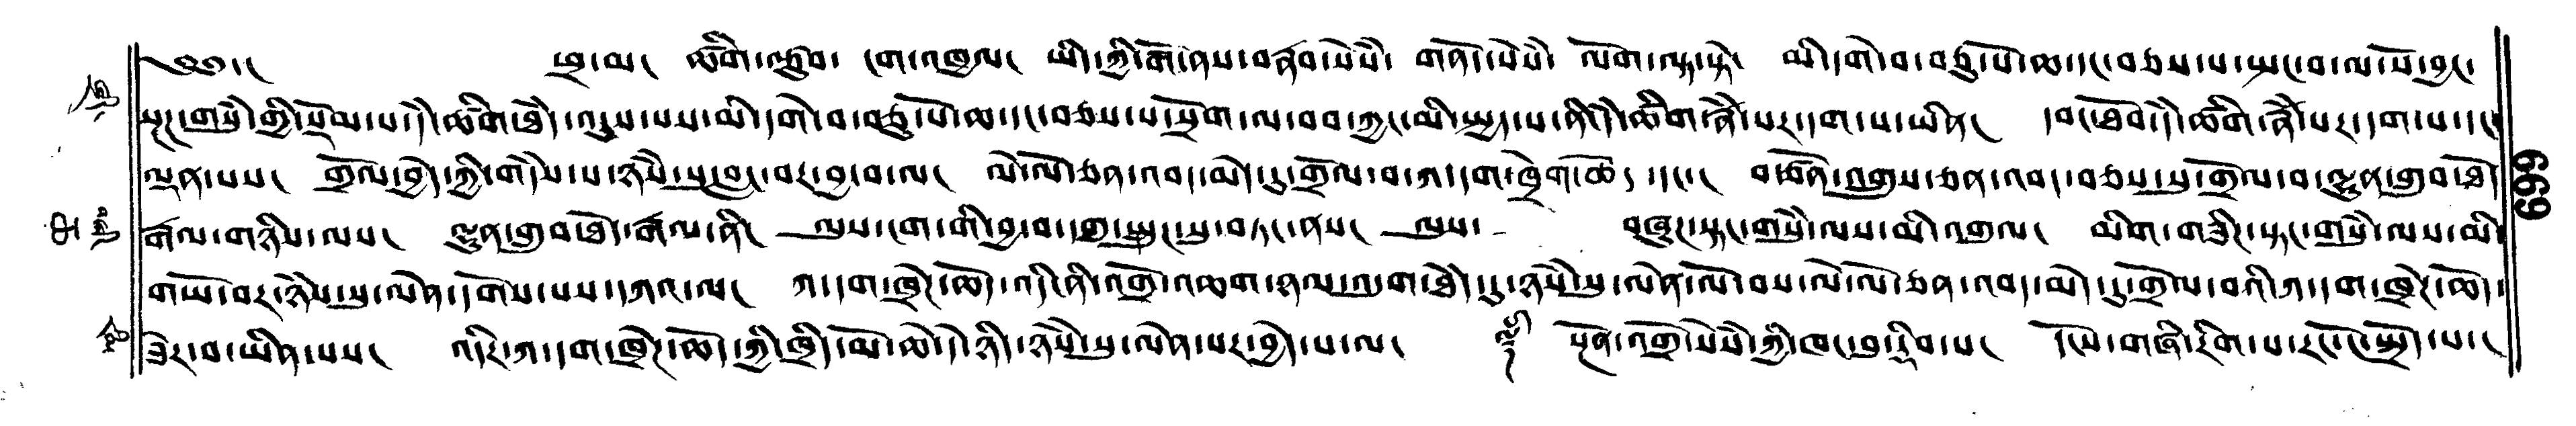ཕྲ་མ། ཚིག་རྩུབ། ངག་འཁྱལ། ཡིད་ཀྱི་སྒོ་ནས་བརྣབ་སེམས། གནོད་སེམས།ལོག་ལྟ་སྟེ། མི་དགེ་བ་བཅུ་པོ་ཆ་དང་བཅས་པ་སྤང་བ་ལ་སོ་བྱང་
སྔགས་གསུམ་གྱི་སྡོམ་པ་དམ་ཚིག་ཐམས་ཅད་འདུས་པས་མི་དགེ་བ་བཅུ་པོ་ཆ་དང་བཅས་པ་སྲོག་ལ་བབ་ཀྱང་མི་སྤྱོད་པ་ནི་དམ་ཚིག་རྣམ་པར་དག་པ་ཡིན། དབང་ཐོབ་དམ་ཚིག་རྣམ་པར་དག་པ་དང་
ལྡན་པས། གྲོལ་བྱེད་ཀྱི་གདམས་པ་ཉམས་སུ་བླང་བར་བྱ་བ་ལ། ལེ་ལོ་ཅན་འབད་མེད་དུ་གྲོལ་བ་ཀ་དག་ཁྲེག་ཆོད་དང་། བརྩོན་འགྲུས་ཅན་འབད་བཅས་སུ་གྲོལ་བ་ལྷུན་གྲུབ་ཐོད་
རྒལ་གཉིས་ལས། ལྷུན་གྲུབ་ཐོད་རྒལ་ནི། ལུས་ངག་གི་བྱ་བ་དགུ་ཕྲུགས་སུ་བཏང་ནས། ལུས་བཞུགས་སྟངས་གསུམ་ལས་མི་འགུལ། མིག་གཟིགས་སྟངས་གསུམ་ལས་མི་
གཡོ་བར་ཉམས་སུ་ལེན་དགོས་པས་དཀའ་ལ། ཀ་དག་ཁྲེགས་ཆོད་འདི་ནི་འགྲོ་འཆག་ཉལ་འདུག་ཐམས་ཅད་དུ་ཉམས་སུ་ལེན་ལོ་བས་ལེ་ལོ་ཅན་འབད་མེད་གྲོལ་བའི་ཀ་དག་ཁྲེགས་ཆོད་
ཟེར་བ་ཡིན་པས། འདིར་ཀ་དག་ཁྲེགས་ཆོད་ཀྱི་ཁྲིད་མོ་ཆེ་དེ་ཉིད་ཉམས་སུ་ལེན་པར་བྱེད་པ་ལ། ༈ སྔོན་འགྲོ་སེམས་ཀྱི་ཁང་བུ་རྡིབ་པ། དངོས་གཞི་རིག་པ་རང་ངོ་སྤྲོད་པ།